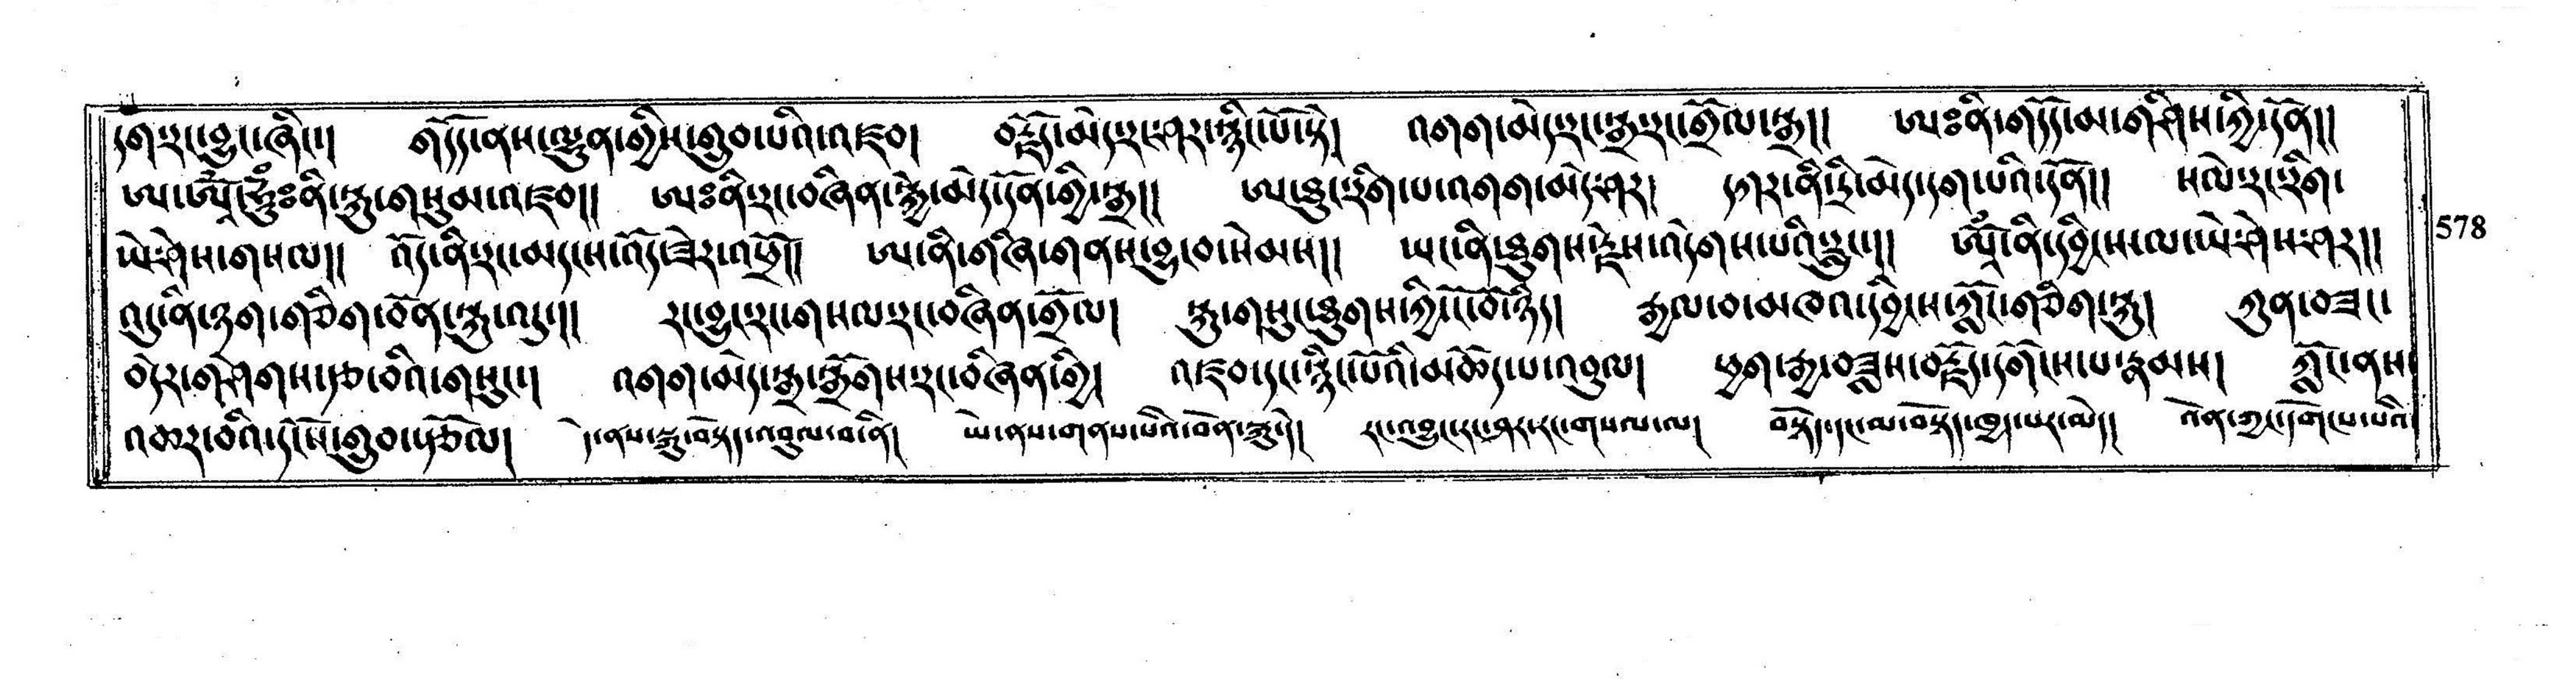དག་རང་བྱུང་ཞིང་། གདོད་ནས་ལྷུན་གྱིས་གྲུབ་པའི་འཛབ། བརྗོད་མེད་རང་ཤར་སྙིང་པོ་སྟེ། འགག་མེད་རང་སྒྲ་རང་གྲོལ་སྒྲ།། ཨཿནི་གདོད་མ་གཤིས་ཀྱི་དོན།། 
ཨ་ཨཱོཾ་ཧཱུྃཿནི་སྐུ་གསུམ་འཛབ།། ཨཿནི་རང་བཞིན་སྐྱེ་མེད་དོན་གྱི་སྒྲ།། ཨ་ཐུང་རིག་པ་འགག་མེད་ཤར། དཀར་ནི་དྲི་མེད་དག་པའི་དོན།། སལེ་རང་རིག་
ཡེ་ཤེས་གསལ།། འོད་ནི་རང་མདངས་འོད་ཟེར་འཕྲོ།། ཨ་ནི་གཞི་གནས་བྱང་ཆུབ་སེམས།། ཡང་ནི་ཐུགས་རྗེས་འདེགས་པའི་རླུང་།། ཨཱོཾ་ནི་དབྱིངས་ལ་ཡེ་ཤེས་ཤར།། 
འདུ་ནི་ཉག་གཅིག་བོན་སྐུ་འདུ།། རང་བྱུང་རང་གསལ་རང་བཞིན་གྲོལ། སྐུ་གསུང་ཐུགས་ཀྱི་ངོ་བོ་ཉིད། རྒྱལ་བ་མཁའ་དབྱིངས་ཀློང་གཅིག་སྐུ། ཀུན་བཟང་
བདེར་གཤེགས་རྩ་བའི་གསུང་། འགག་མེད་སྒྲ་སྒྲོགས་རང་བཞིན་གྱི། འཛབ་དང་སྙིང་པོའི་མཆོད་པ་འབུལ། ཕྱག་རྒྱ་བཟླས་བརྗོད་དགོངས་པ་རྣམས། ཀློང་ནས་
འཆར་བའི་དངོས་གྲུབ་སྩོལ། དེ་ནས་སྐུ་བསྟོད་འབུལ་བ་ནི། ཡེ་ནས་གནས་པའི་བོན་སྐུ་དེ། རང་འབྱུང་རང་ཤར་རང་གསལ་ལ། བསྟོད་དང་མ་བསྟོད་ཁྱད་པར་མེད། འོན་ཀྱང་དགོངས་པའི་